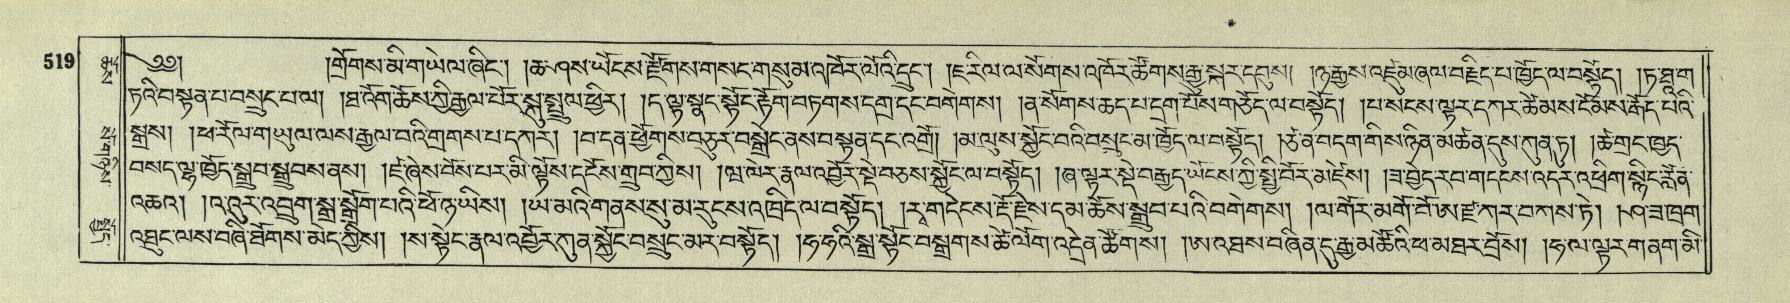༄༅། །གྲོགས་མི་གཡེལ་ཞིང་། །ཆ་ཤས་ཡོངས་རྫོགས་གསང་གསུམ་འཁོར་ལོའི་དྲུང་། །ཇ་རིལ་ལ་སོགས་འཁོར་ཚོགས་རྒྱུ་སྐར་དབུས། །ཉ་རྒྱས་འཛུམ་ཞལ་བརྗིད་པ་ཁྱོད་ལ་བསྟོད། །ཏ་ཐཱ་ག་
ཏའི་བསྟན་པ་བསྲུང་པ་ལ། །ཐ་འོག་ཆོས་ཀྱི་རྒྱལ་པོར་སྐུ་སྤྲུལ་ཕྱིར། །ད་ལྟ་སྣང་སྟོང་རྟོག་བཏགས་དགྲ་དང་བགེགས། །ན་སོགས་ཆད་པ་དྲག་པོས་གཅོད་ལ་བསྟོད། །པ་སངས་ལྟར་དཀར་ཚེམས་ངོམས་རྒོད་པའི་
སྒྲས། །ཕ་རོལ་གཡུལ་ལས་རྒྱལ་བའི་གྲགས་པ་དཀར། །བ་དན་ཕྱོགས་བཅུར་བསྒྲེང་ནས་བསྟན་དང་འགྲོ། །མ་ལུས་སྐྱོང་བའི་བསྲུང་མ་ཁྱོད་ལ་བསྟོད། །ཙ་ན་བདག་གིས་ཉིན་མཚན་དུས་ཀུན་ཏུ། །ཚ་གྲང་ཁྱད་
བསད་ལྷ་ཁྱོད་སྒྲུབ་སྒྲུབས་ནས། །ཛ་ཞེས་བོས་པར་མི་ལྟོས་དངོས་གྲུབ་ཀྱིས། །ཝ་ལེར་རྣལ་འབྱོར་སྡེ་བཅས་སྐྱོང་ལ་བསྟོད། །ཞ་ལྟར་སྡེ་བརྒྱད་ཡོངས་ཀྱི་སྤྱི་བོར་མཛེས། །ཟ་བྱེད་རབ་གདངས་འདར་འཕྲིག་སྙིང་རློན་
འཆའ། །འ་འུར་འབྲུག་སྒྲ་སྒྲོག་པའི་ཕོ་ཉ་ཡིས། །ཡ་མའི་གནས་སུ་མ་རུངས་འཁྲིད་ལ་བསྟོད། །རྭ་གདེངས་རྡོ་རྗེས་དམ་ཆོས་སྒྲུབ་པའི་བགེགས། །ལ་གོར་མགོ་བོ་ཨརྫ་ཀར་བཀས་ཏེ། །ཤ་ཟ་ཁྲག་
འཐུང་ལས་བཞི་ཐོགས་མེད་ཀྱིས། །ས་སྟེང་རྣལ་འབྱོར་ཀུན་སྐྱོང་བསྲུང་མར་བསྟོད། །ཧ་ཧའི་སྒྲ་སྟོང་བསྒྲགས་ཚེ་ལོག་འདྲེན་ཚོགས། །ཨ་འཐས་བཞིན་དུ་རྒྱ་མཚོའི་ཕ་མཐར་བྲོས། །ཧ་ལ་ལྟར་གནག་མི་